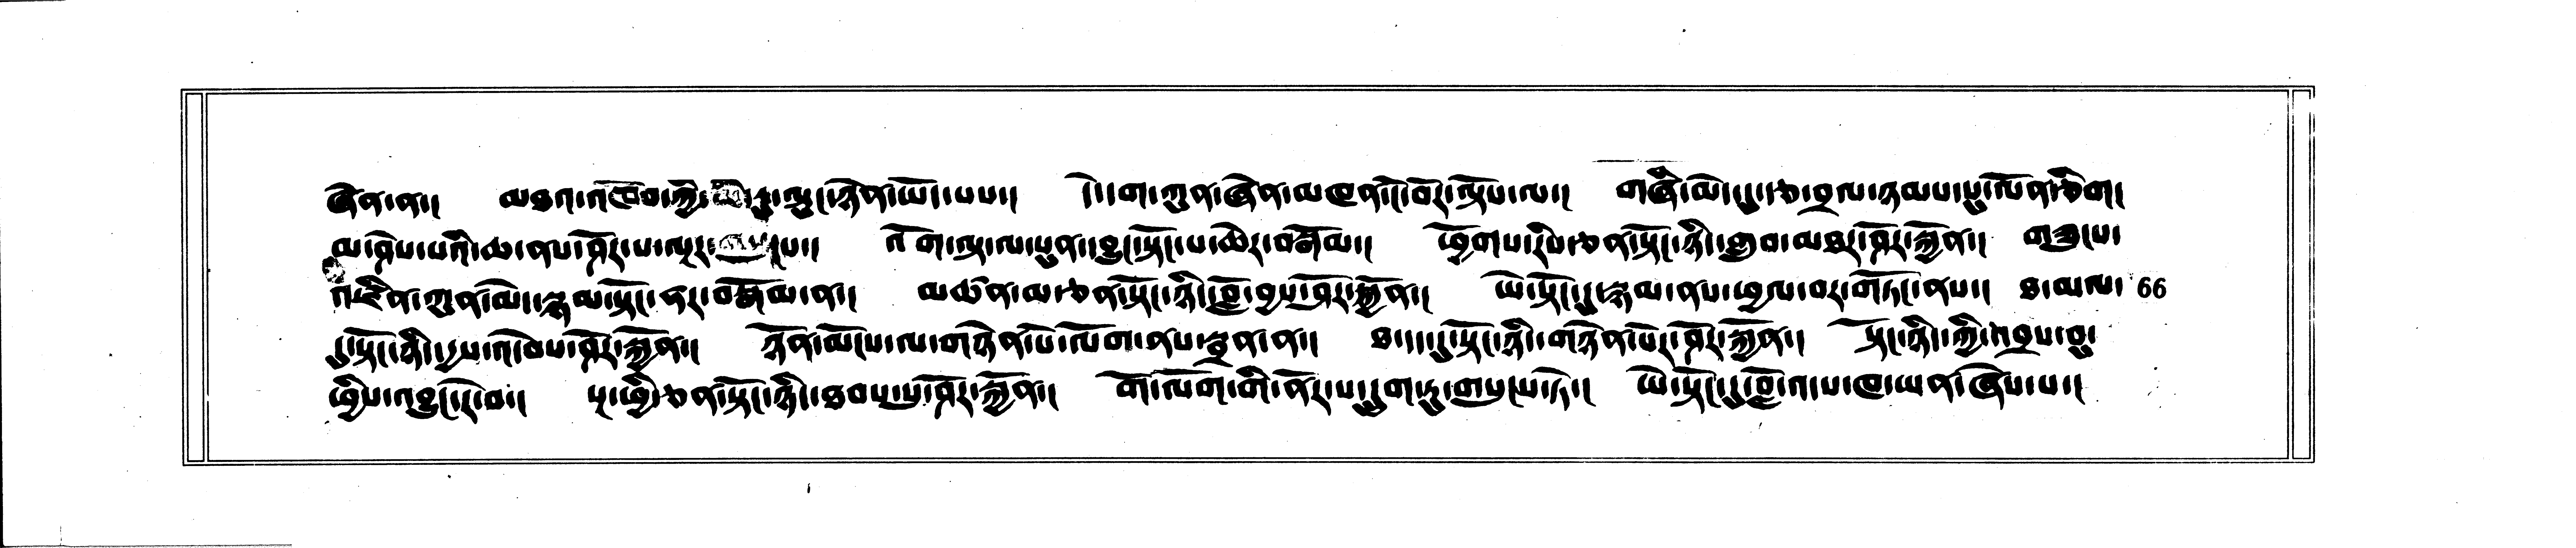ཞེན་ན། །མཐའ་འཁོབ་ཀྱི་མི་རུ་ལྟུང་ཉེན་ཡོད་པས། །དེ་དག་ཀུན་ཞེན་མཁན་ངོ་བོར་ལྟོས་ལ། །གཞི་མེད་དུ་རྩ་བྲལ་ཉམས་སུ་ལོང་ཅིག 
།མ་ཤེས་པའི་ཆ་ནས་ཤོར་པ་ལྔར་གསུངས། །འོག་ལྟ་ལ་སུན་ཕྱུང་སྟོང་པ་ཆེར་བསྒོམ། །ཕྱོགས་རིས་ཅན་སྟོང་ཉིད་གྲུབ་མཐར་ཤོར་སྐྱོན། །གཟུང་
འཛིན་ཀུན་མེད་སྙམ་སྟོང་ཧར་བསྒོམ་ན། །མཚན་མ་ཅན་སྟོང་ཉིད་བློ་བྱས་ཤོར་སྐྱོན། །ཡེ་སྟོང་དུ་སྙམ་ནས་ཕྱལ་པར་གཏོང་ནས། །ཐ་མལ་
དུ་སྟོང་ཉིད་རྒྱས་འདེབས་ཤོར་སྐྱོན། །ཉོན་མོངས་ལ་གཉེན་པོ་ལོག་ནས་སྦྲན་ན། །ཐ་དད་དུ་སྟོང་ཉིད་གཉེན་པོར་ཤོར་སྐྱོན། །སྟོང་ཉིད་ཀྱི་འབྲས་བུ་
ཕྱིས་འབྱུང་རེ་བ། །སྔ་ཕྱི་ཅན་སྟོང་ཉིད་ཐབས་སུ་ཤོར་སྐྱོན། །གོ་ལོག་གི་ནོར་ས་དྲུག་ཏུ་གསུངས་ཏེ། །ཡེ་སྟོང་དུ་བློ་འདས་ཁ་ཡན་ཞེས་པ། །